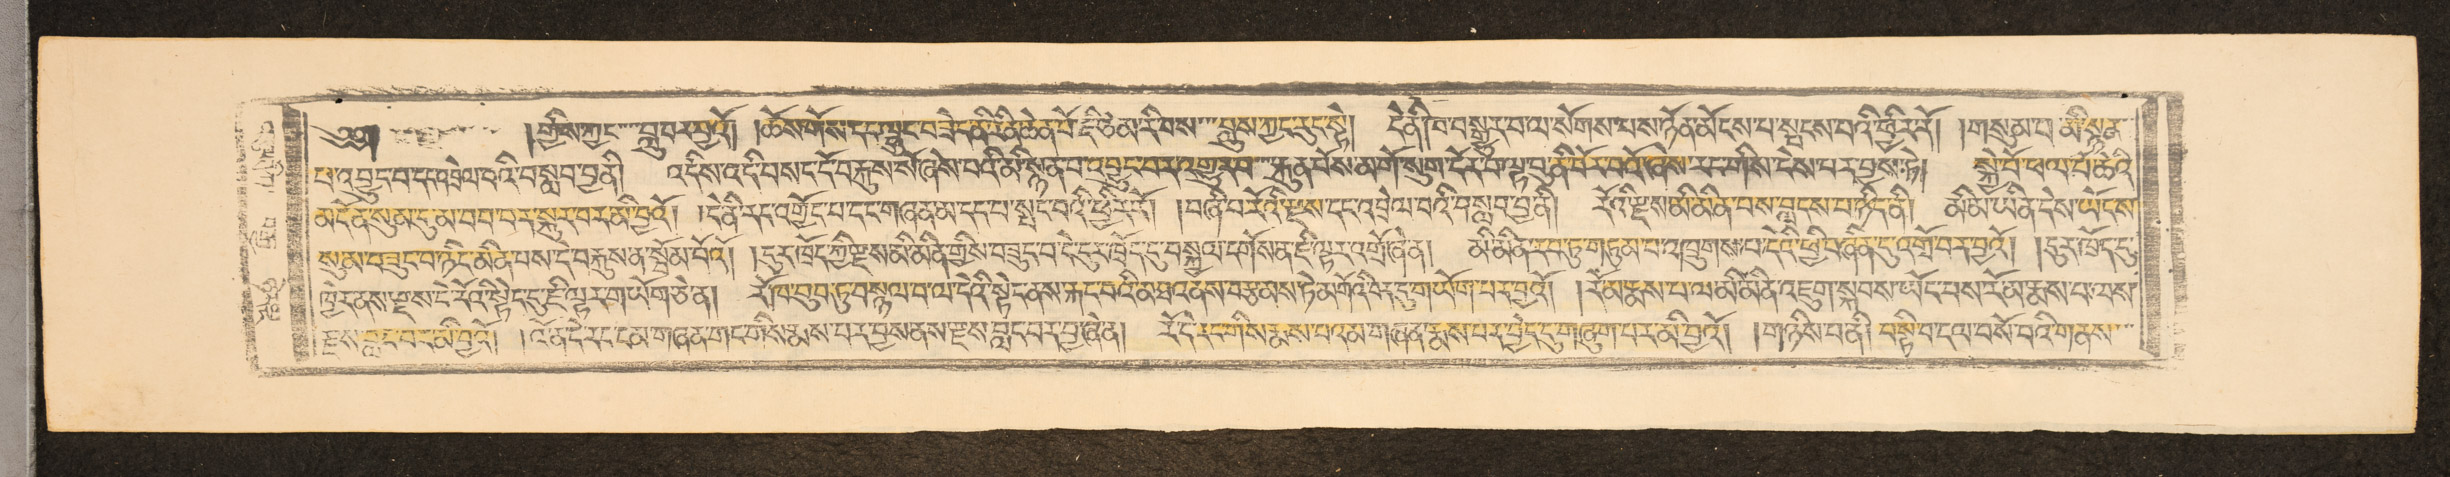༄༅། །གྱིས་ཀྱང་བླུ་བར་བྱའོ། །ཆོས་གོས་དང་ལྷུང་བཟེད་ནི་རིན་ཆེན་པོ་ཇི་ཙམ་རི་བས་བླུས་ཀྱང་རུང་སྟེ། དེ་ནི་ཁ་བསྒྱུར་བ་ལ་སོགས་པས་ཉོན་མོངས་པ་སྤངས་པའི་ཕྱིར་རོ། །གསུམ་པ་མི་སྙན་
པ་འབྱུང་བ་དང་འབྲེལ་བའི་བསླབ་བྱ་ནི། འདིས་འདི་བསད་དོ་བཀྲུས་སོ་ཞེས་པའི་མི་སྙན་པ་འབྱུང་བར་འགྱུར་བ་རྐུན་པོས་མགོ་སུག་དོར་བ་ལྟ་བུ་ནི་བོར་བའོ་ཞེས་རང་གིས་ངེས་པར་བྱས་ཏེ། སྐྱེ་བོ་ཕལ་པོ་ཆེའི་
མངོན་སུམ་དུ་མ་བབ་པར་སྐུར་བར་མི་བྱའོ། །དེ་ནི་རང་འགྱོད་པ་དང་གཞན་མ་དད་པ་སྤང་བའི་ཕྱིར་རོ། །བཞི་པ་རོའི་རྫས་དང་འབྲེལ་བའི་བསླབ་བྱ་ནི། རོའི་རྫས་མི་མིན་པས་བླངས་པ་ཉིད་ནི། མི་མ་ཡིན་དེས་ཡོངས་
སུ་མ་བཟུང་བ་ཉིད་མིན་པས་དེ་བརྐུས་ན་སྦོམ་པོའོ། །དུར་ཁྲོད་ཀྱི་རྫས་མི་མིན་གྱིས་བཟུང་བ་དེ་དུར་ཁྲོད་དུ་བསྐྱལ་དགོས་ན་ཇི་ལྟར་འགྲོ་ཞེ་ན། མི་མིན་རབ་ཏུ་གཏུམ་པ་འཁྲུགས་པ་དེའི་ཕྱི་བཞིན་དུ་འགྲོ་བར་བྱའོ། །དུར་ཁྲོད་དུ་
ཁྱེར་ནས་རྫས་དེ་རོའི་སྟེང་དུ་ཇི་ལྟར་གཡོག་ཅེ་ན། རོ་ཁ་བུབ་ཏུ་བསྙལ་བ་ལ་དེའི་སྟེང་ནས་རྐང་པའི་མཐའ་ནས་བརྩམས་ཏེ་མགོའི་བར་དུ་གཡོག་པར་བྱའོ། །རོ་མ་རྨས་པ་ལ་མི་མིན་འཇུག་སྐབས་ཡོད་པས་རོ་མ་རྨས་པ་ལས་
རྫས་བླང་བར་མི་བྱའོ། །འོ་ན་དེ་རང་དམ་གཞན་གང་གིས་རྨས་པར་བྱས་ནས་རྫས་བླང་བར་བྱ་ཞེ་ན། རོ་དེ་རང་གིས་རྨས་པའམ་གཞན་རྨས་པར་བྱེད་དུ་གཞུག་པར་མི་བྱའོ། །གཉིས་པ་ནི། བསྟི་བ་ངལ་བསོ་བའི་གནས་